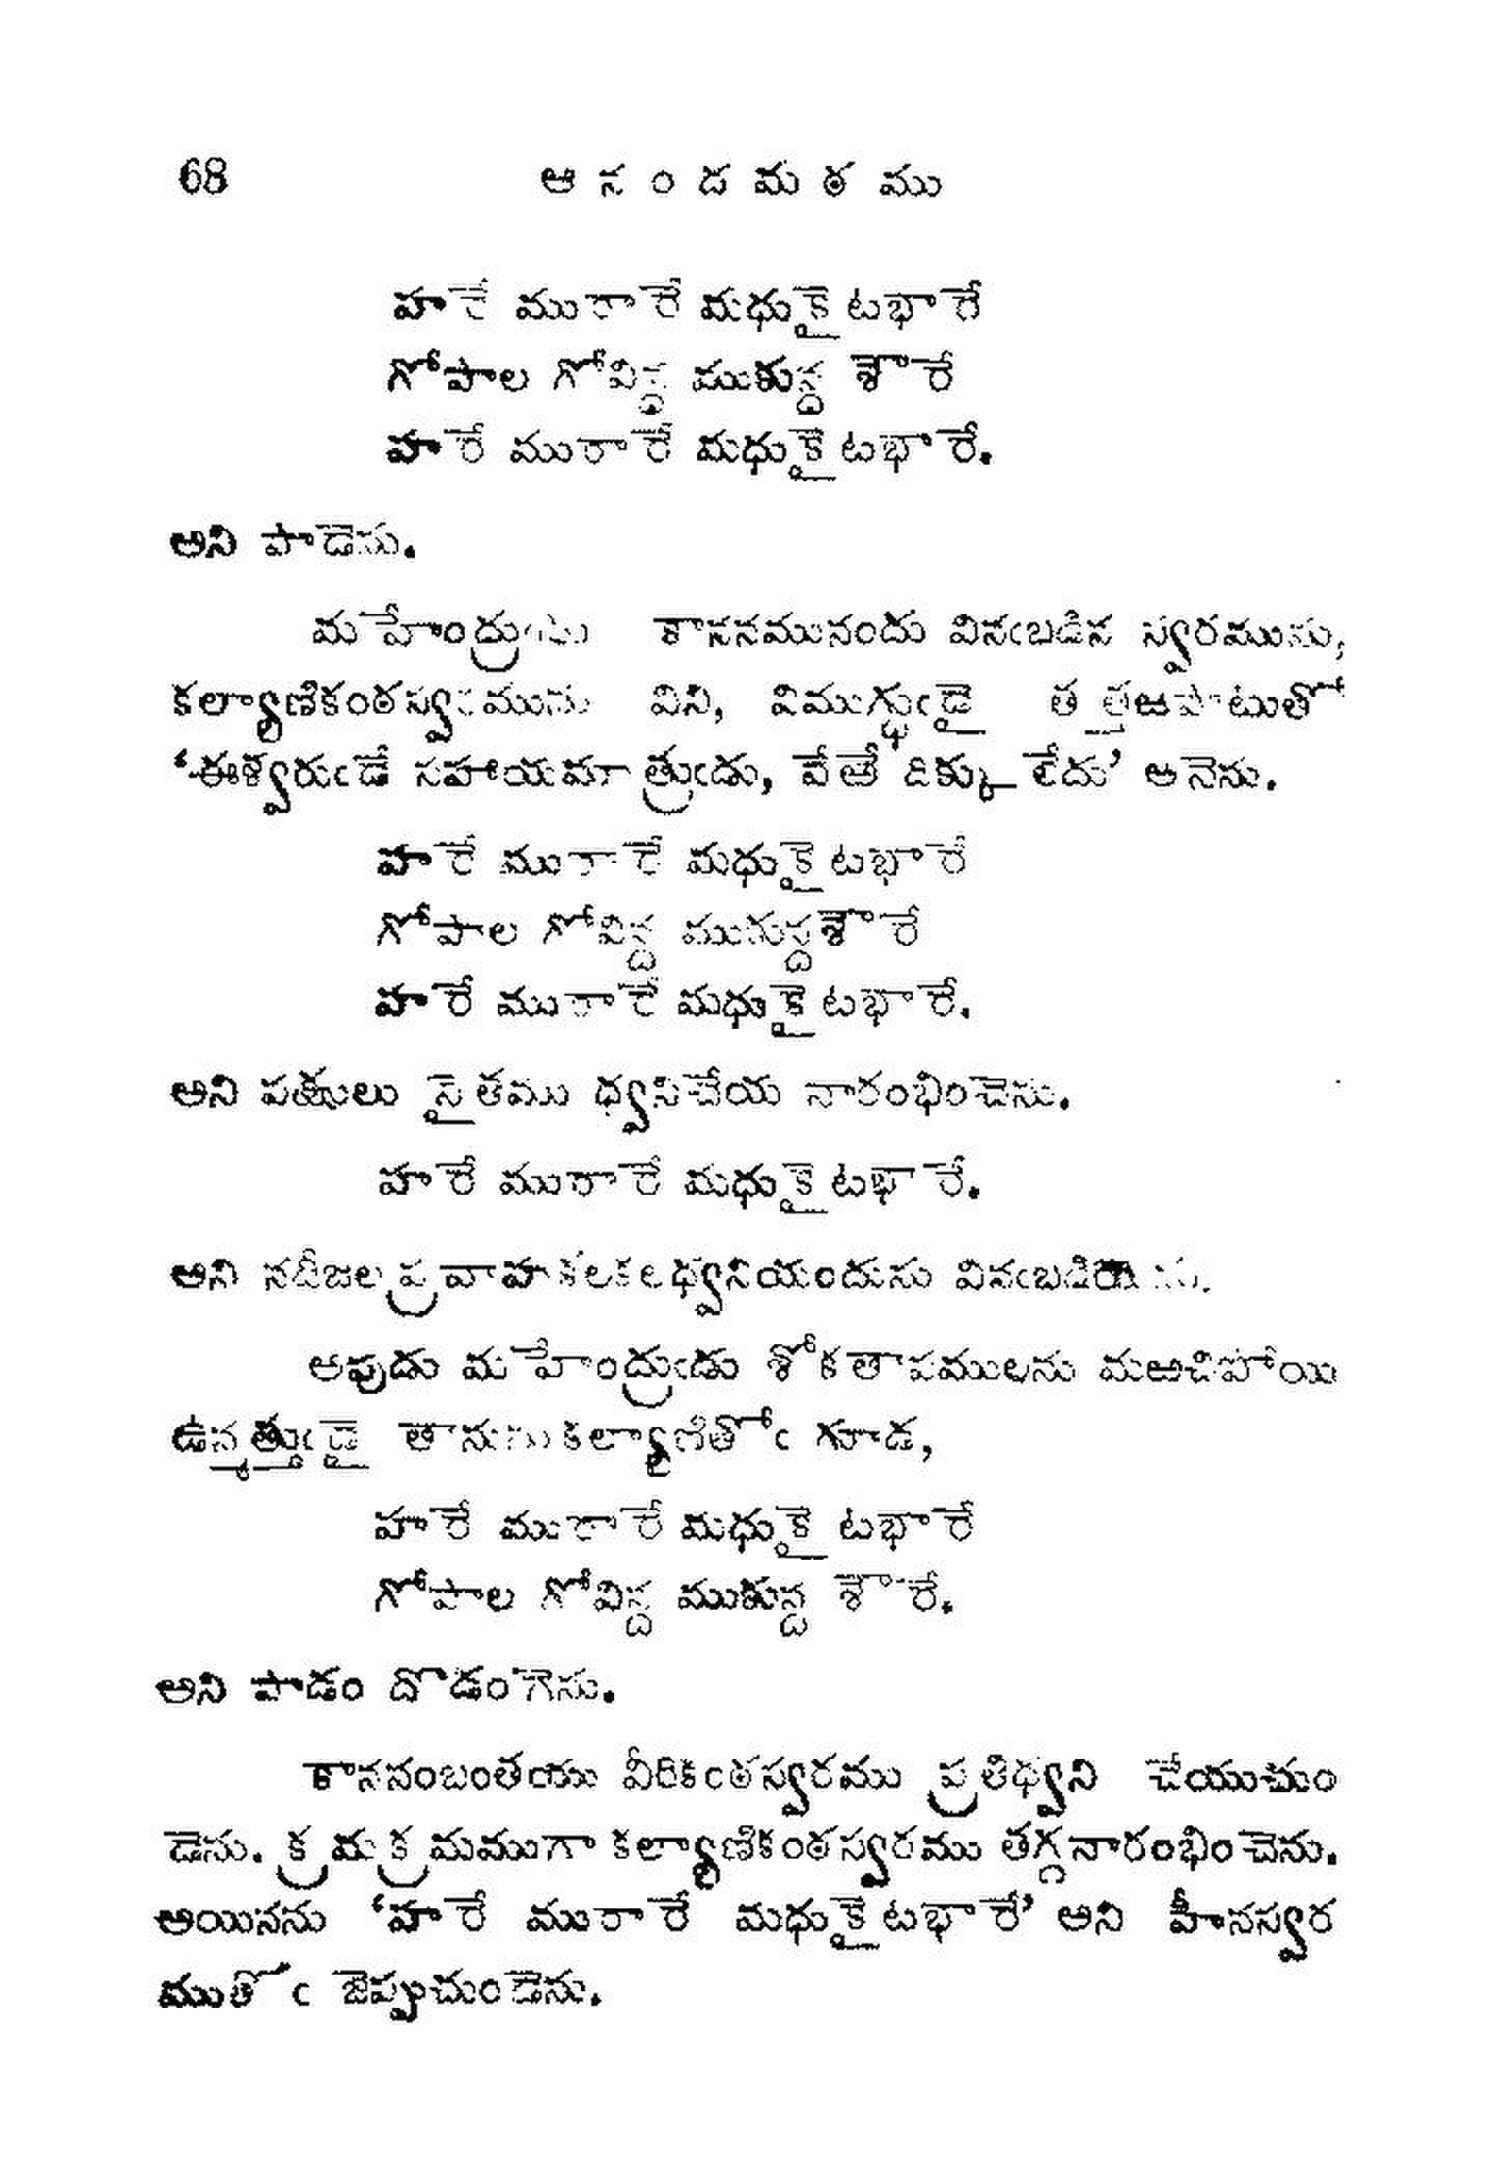హరే మురారే మధుకైటభారే
గోపాల గోవిన్ద ముకున్ద శౌరే
హరే మురారే మధు కైటభారే.

మహేంద్రుఁడు కాననమునందు వినఁబడిన స్వరమును, కల్యాణికంఠ స్వరమును విని, విముగ్ధుఁడై తత్తఱపాటుతో 'ఈశ్వరుఁడే సహాయమాత్రుఁడు, వేఱే దిక్కు లేదు' అనెను.

హరే మురే మధుకైటభారే
గోపాల గోవిక్ట ముకుదTV
హరే ముగా రే మధు కైటభారే,

అని పక్షులు సైతము ధ్వని చేయ నారంభించెను.

హరే మురారే మధు కైటభారే.

అని నదీజల ప్రవాహకలలక ధ్వనియందును వినఁబడియెను.

అపుడు మహేంద్రుఁడు శోక తాపములను మఱచి పోయి ఉన్మత్తుడై తానును కల్యాణితోఁ గూడ,

హరే మురారే మధుకై టభారే
గోపాల గోవిన్ద ముకున్ద శౌరే.

అని పాడం దొడంగెను.

కాననంబంతయు వీరికంఠస్వరము ప్రతిధ్వని చేయుచుండెను. క్రమక్రమముగా కల్యాణికంఠస్వరము తగ్గనారంభించెను. అయినను 'హరే మురారే మధుకైటభారే' అని హీనస్వరముతోఁ జెప్పుచుండెను.